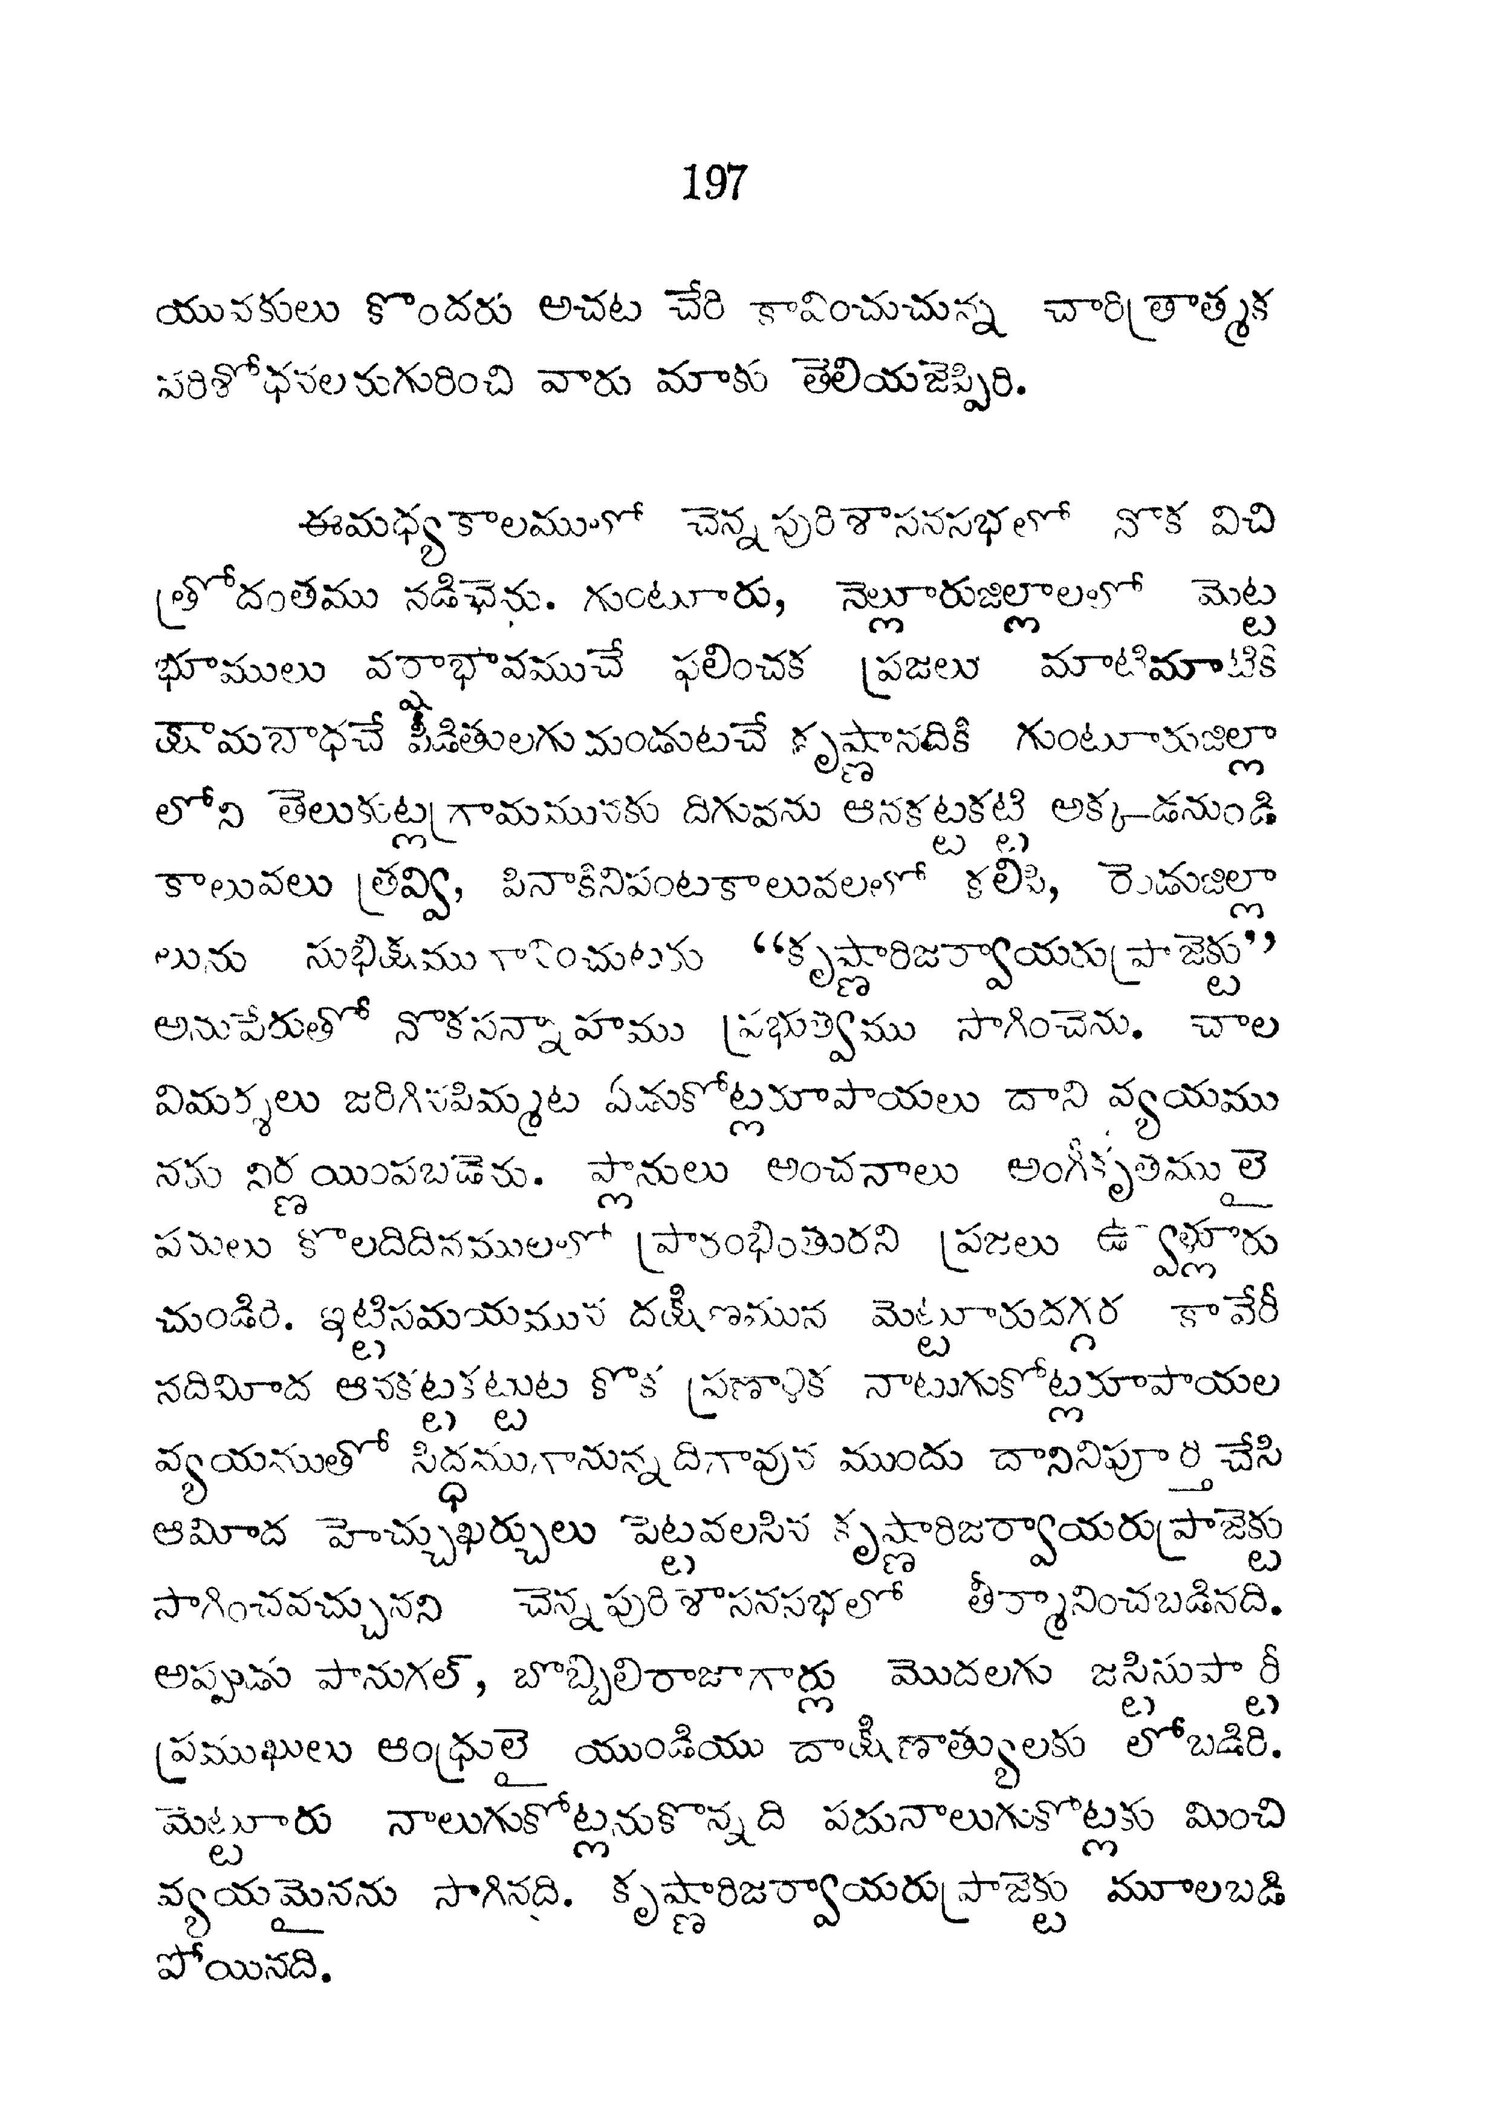యువకులు కొందరు అచట చేరి కావించుచున్న చారిత్రాత్మక పరిశోధనలనుగురించి వారు మాకు తెలియజెప్పిరి.

ఈమధ్యకాలములో చెన్నపురిశాసనసభలో నొక విచిత్రోదంతము నడిచెను. గుంటూరు, నెల్లూరుజిల్లాలలో మెట్ట భూములు వర్షాభావముచే ఫలించక ప్రజలు మాటిమాటికి క్షామబాధచే పీడితులగుచుండుటచే కృష్ణానదికి గుంటూరుజిల్లాలోని తెలుకుట్లగ్రామమునకు దిగువను ఆనకట్టకట్టి అక్కడనుండి కాలువలు త్రవ్వి, పినాకినిపంటకాలువలలో కలిపి, రెండుజిల్లాలును సుభిక్షముగావించుటకు "కృష్ణారిజర్వాయరుప్రాజెక్టు" అనుపేరుతో నొకసన్నాహము ప్రభుత్వము సాగించెను. చాల విమర్శలు జరిగినపిమ్మట ఏడుకోట్లరూపాయలు దాని వ్యయమునకు నిర్ణయింపబడెను. ప్లానులు అంచనాలు అంగీకృతములై పనులు కొలదిదినములలో ప్రారంభింతురని ప్రజలు ఉవ్వెళ్లూరు చుండిరి. ఇట్టిసమయమున దక్షిణమున మెట్టూరుదగ్గర కావేరినదిమీద ఆనకట్టకట్టుట కొక ప్రణాళిక నాలుగుకోట్లరూపాయల వ్యయముతో సిద్ధముగానున్నదిగావున ముందు దానినిపూర్తిచేసి ఆమీద హెచ్చుఖర్చులు పెట్టవలసిన కృష్ణారిజర్వాయరుప్రాజెక్టు సాగించవచ్చునని చెన్నపురిశాసనసభలో తీర్మానించబడినది. అప్పుడు పానుగల్, బొబ్బిలిరాజాగార్లు మొదలగు జస్టిసుపార్టీ ప్రముఖులు ఆంధ్రులై యుండియు దాక్షిణాత్యులకు లోబడిరి. మెట్టూరు నాలుగుకోట్లనుకొన్నది పదునాలుగుకోట్లకు మించివ్యయమైనను సాగినది. కృష్ణారిజర్వాయరుప్రాజెక్టు మూలబడి పోయినది.